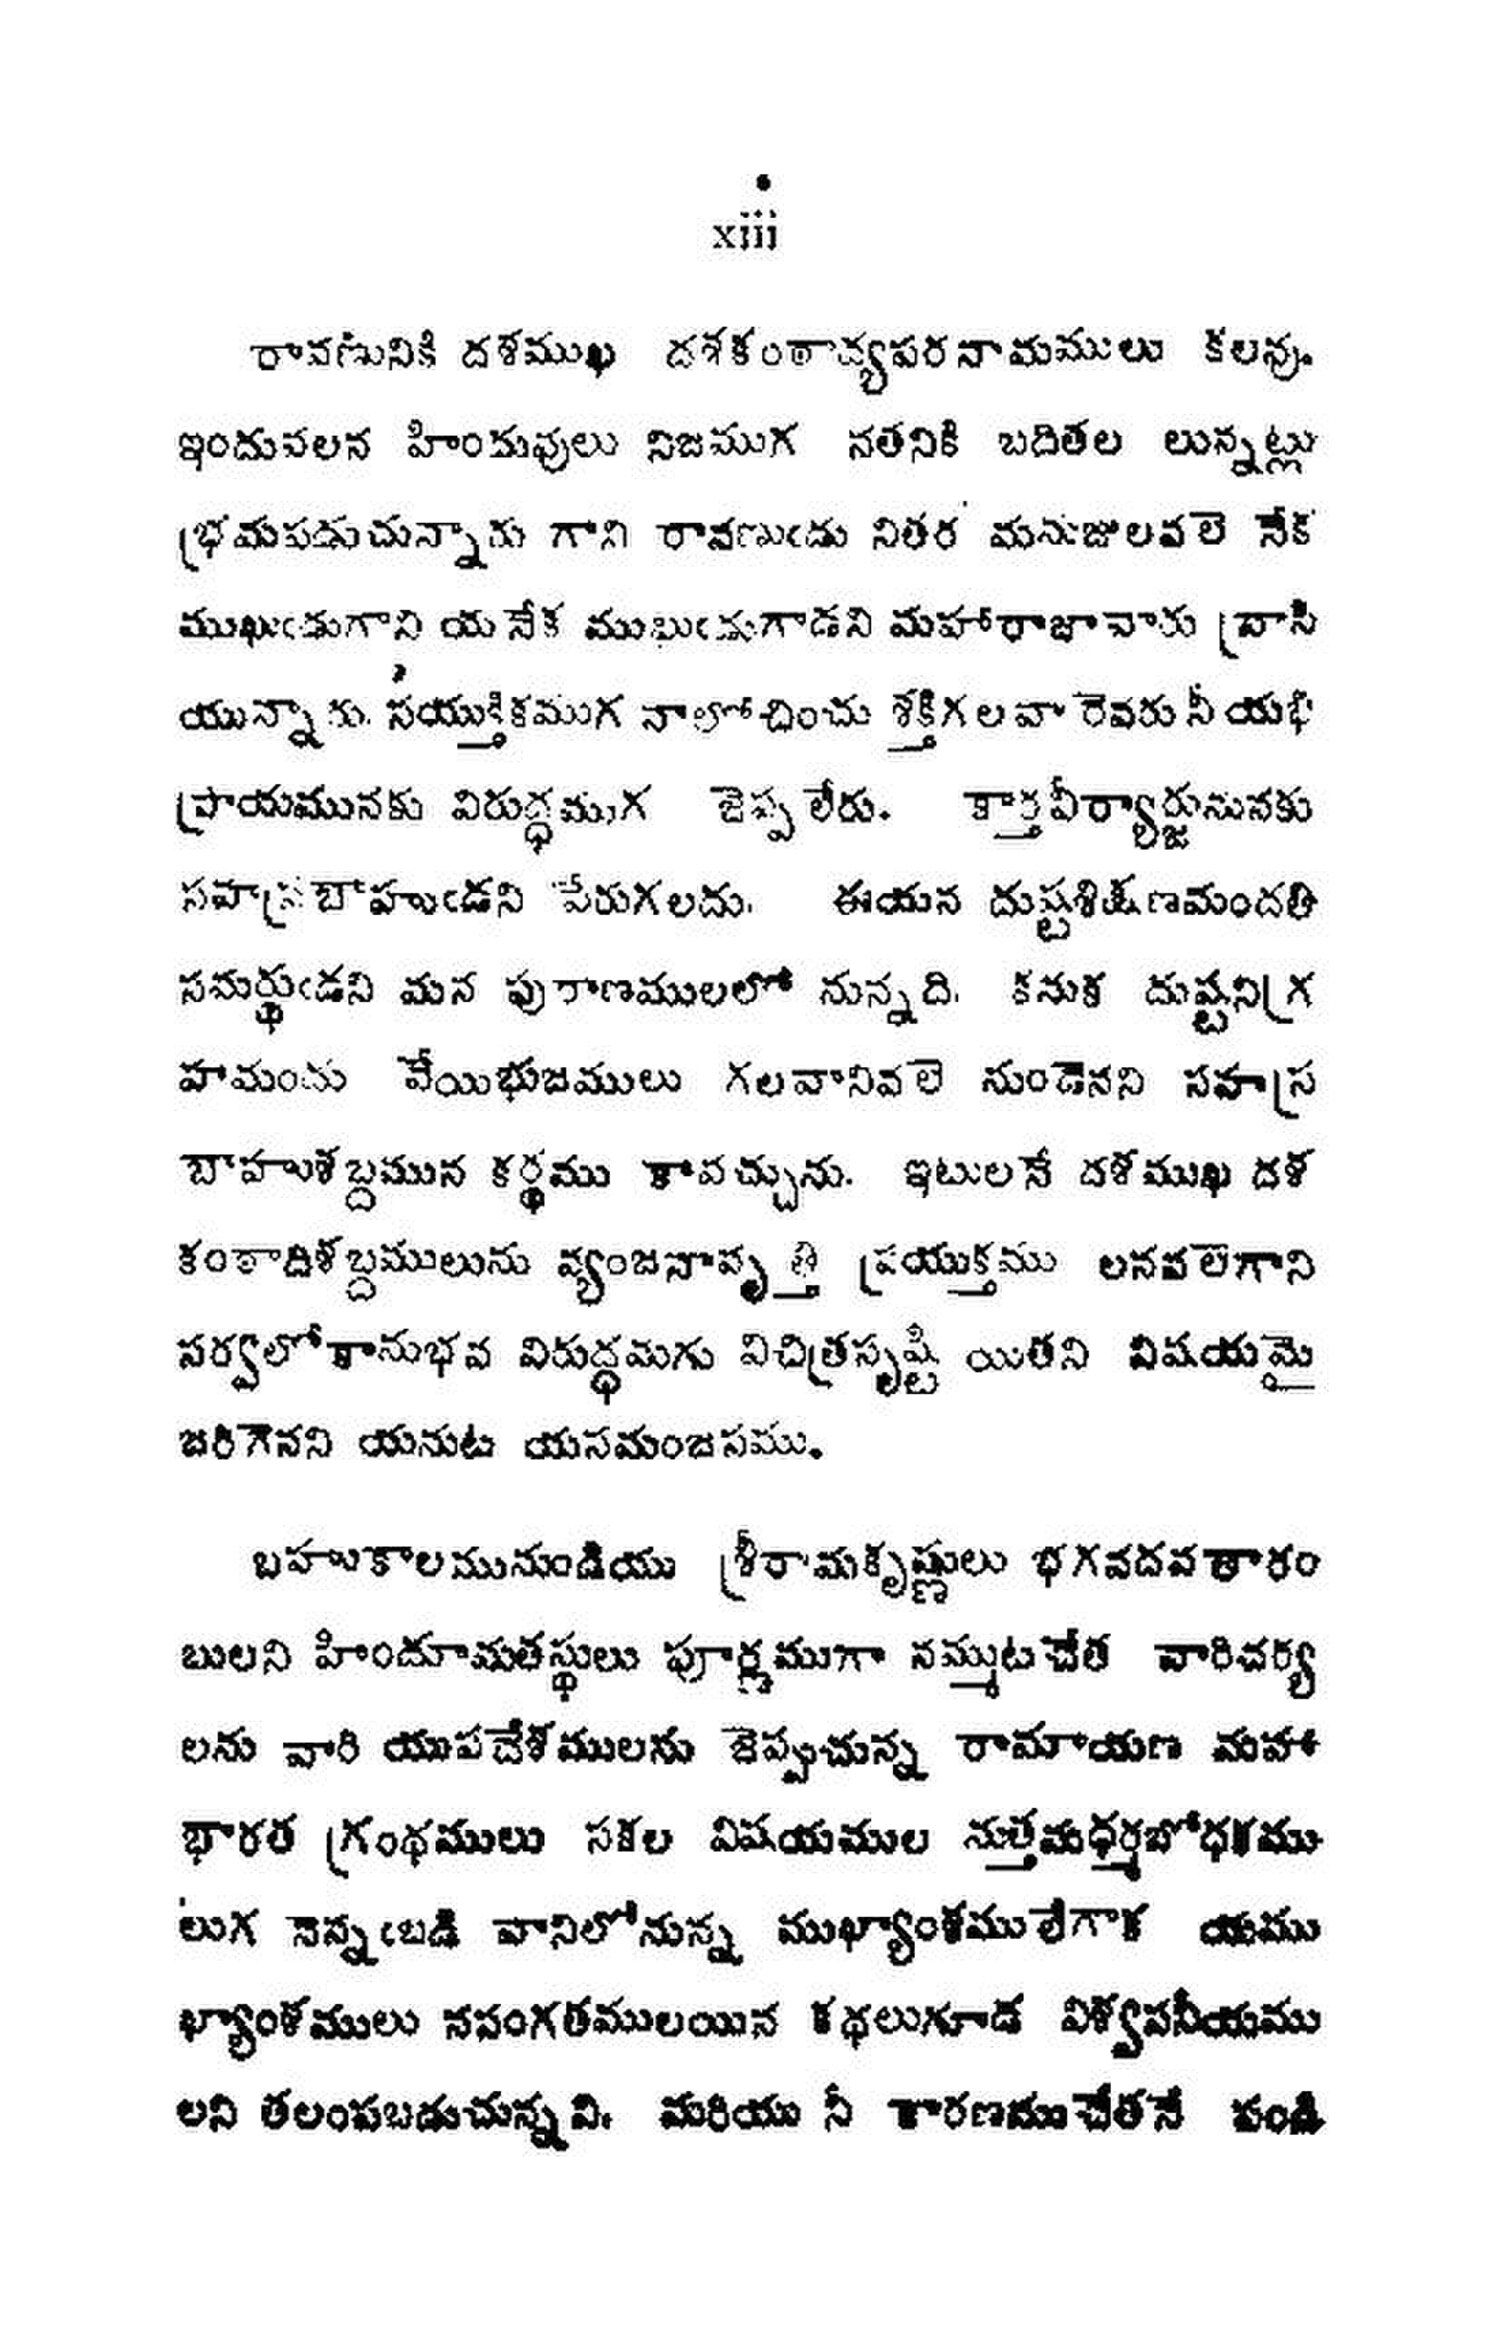రావణునికి దశముఖ దశకంఠాద్యపరనామములు కలవు. ఇందువలన హిందువులు నిజముగ నతనికి బదితల లున్నట్లు భ్రమపడుచున్నారు గాని రావణుఁడు నితర మనుజులవలె నేక
ముఖఁడుగాని యనేక ముఖుఁడుగాడని మహారాజావారు వ్రాసియున్నారు. సయుక్తికముగ నాలోచించు శక్తిగలవారెవరు నీయభిప్రాయమునకు విరుద్ధముగ జెప్పలేరు. కార్తవీర్యార్జునునకు
సహస్రబాహుఁడని పేరుగలదు. ఈయన దుష్టశిక్షణమందతి సమర్థుఁడని మన పురాణములలో నున్నది. కనుక దుష్టనిగ్రహమందు వేయిభుజములు గలవానివలె నుండెనని సహస్ర బాహుశబ్దమున కర్థము కావచ్చును. ఇటులనే దశముఖ దశకంఠాదిశబ్దములును వ్యంజనావృత్తి ప్రయుక్తము లనవలెగాని సర్వలోకానుభవ విరుద్ధమగు విచిత్రసృష్టి యితని విషయమై జరిగెనని యనుట యసమంజసము.

బహుకాలమునుండియు శ్రీరామకృష్ణులు భగవదవతారంబులని హిందూమతస్థులు పూర్ణముగా నమ్ముటచేత వారిచర్యలను వారి యుపదేశములను జెప్పుచున్న రామాయణ మహాభారత గ్రంథములు సకల విషయముల నుత్తమధర్మబోధకములుగ నెన్నఁబడి వానిలోనున్న ముఖ్యాంశములేగాక యముఖ్యాంశములు నసంగతములయిన కథలుగూడ విశ్వసనీయములని తలంపబడుచున్నది. మరియు నీ కారణముచేతనే పండి